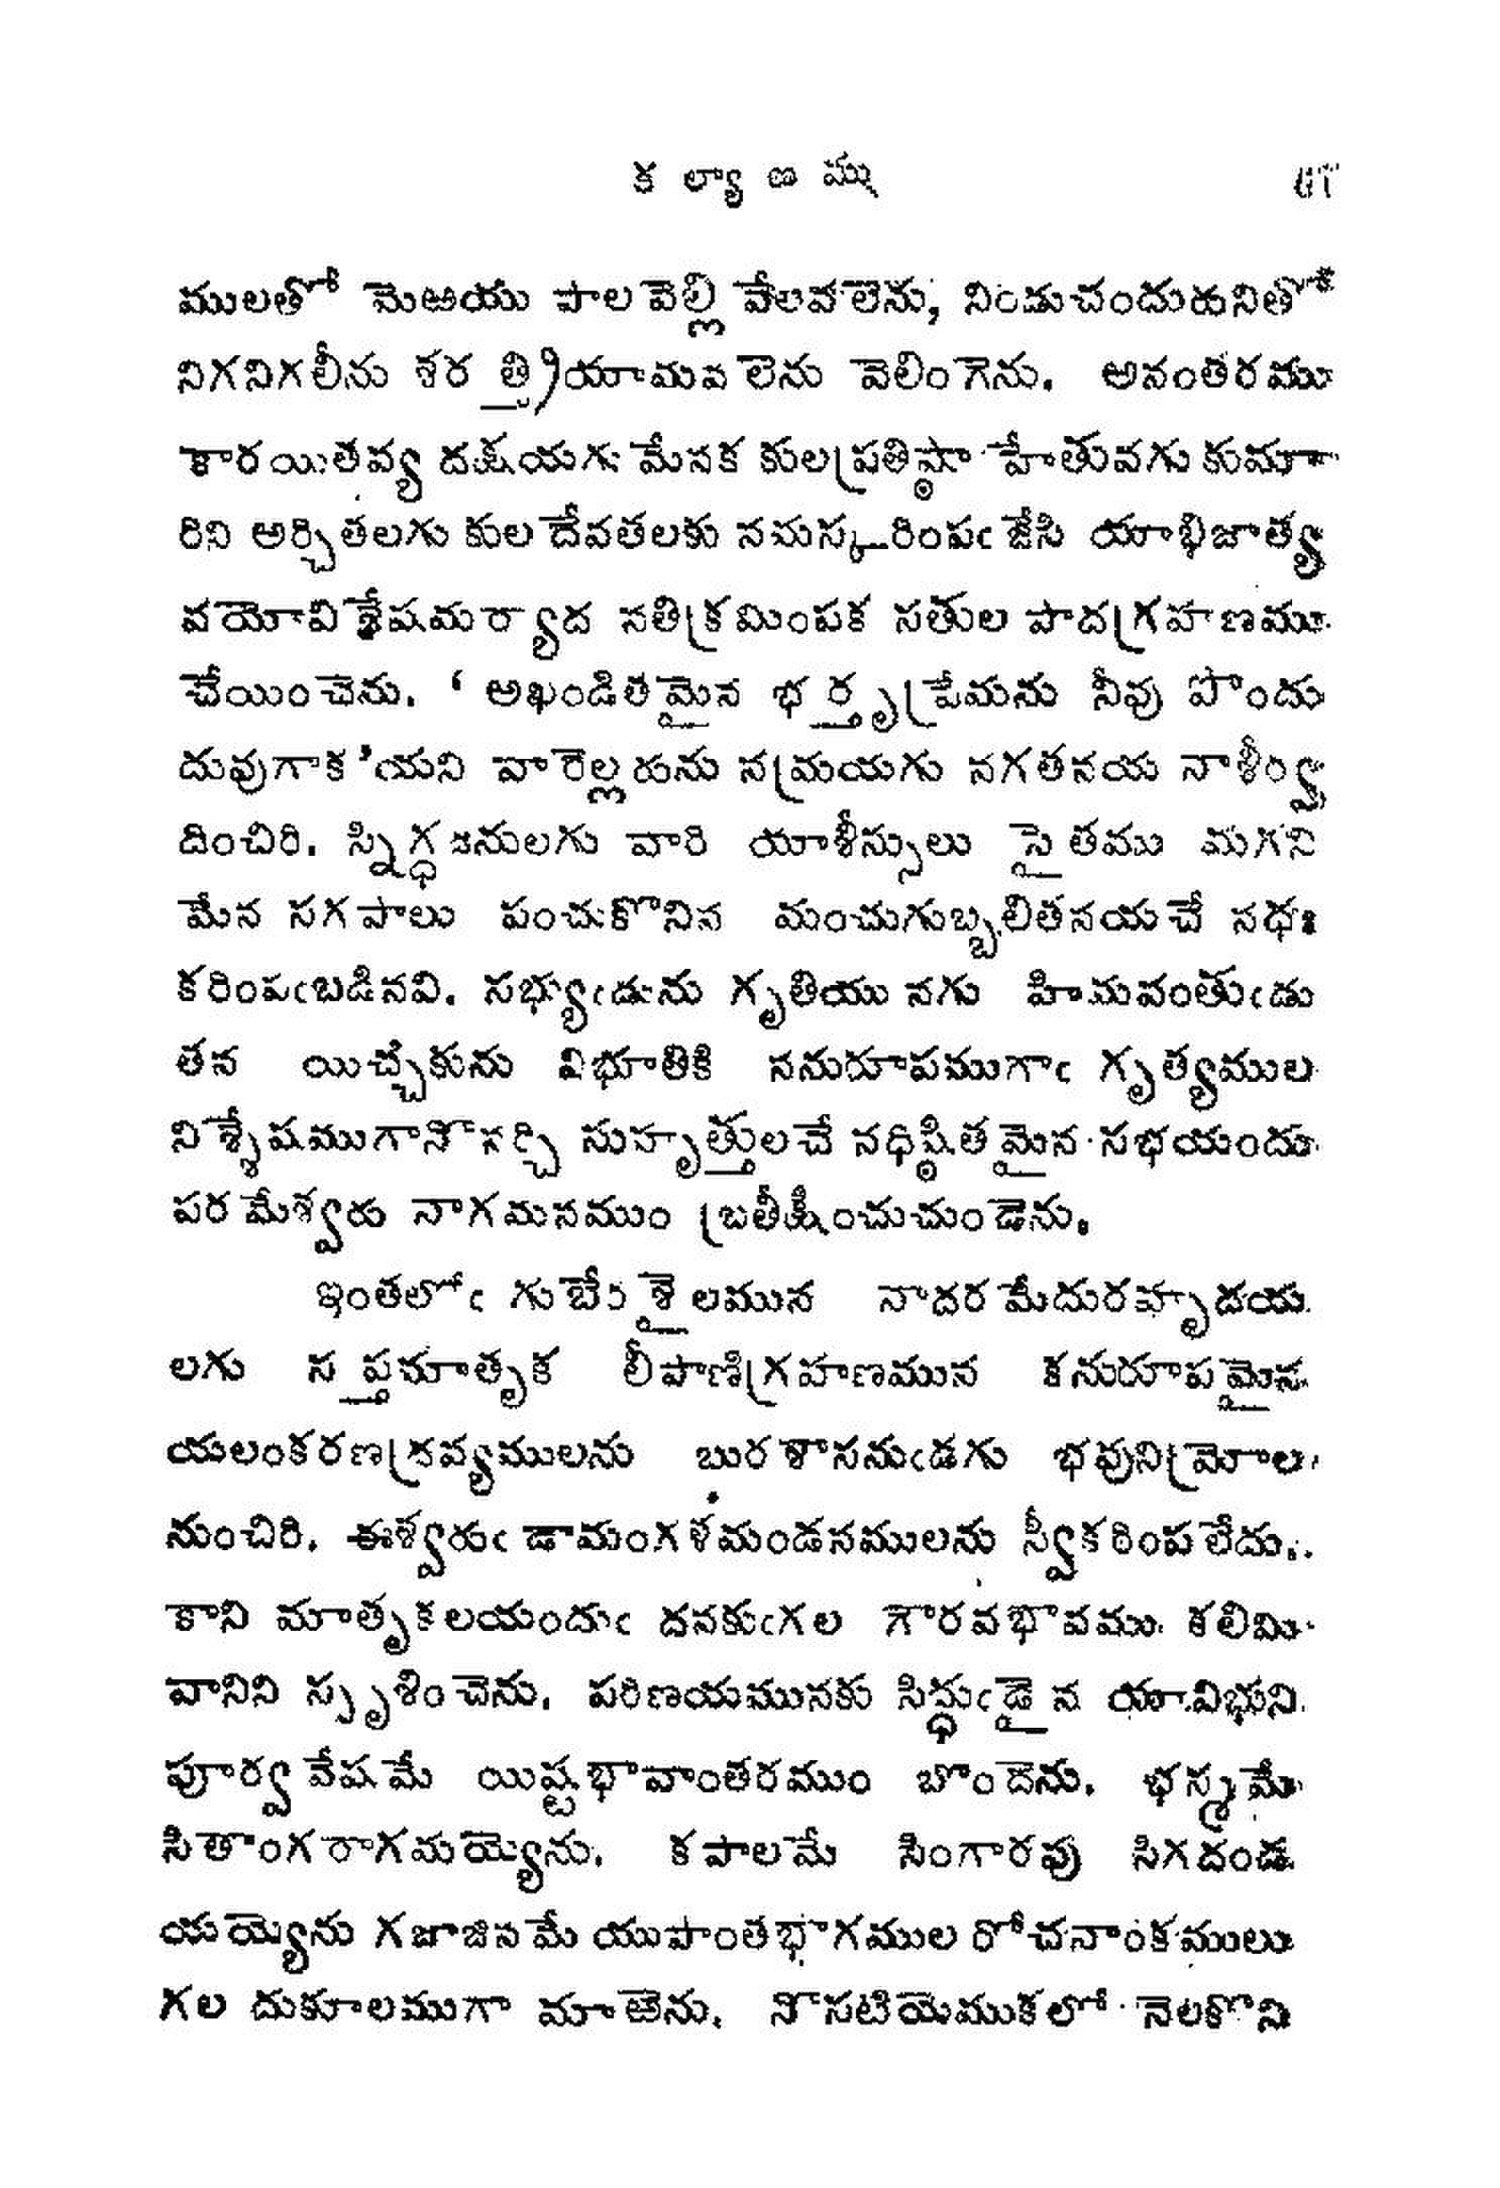ములతో మెఱయు పాల వెల్లి వేలవలెను, నిండు చందురునితో నిగనిగలీను శర త్త్రియాయవలెను వెలింగెను. అనంతరము
కారయితవ్య దక్షయగు మేనక కులప్రతిష్ఠా హేతువగు కుమారిని అర్చితలగు కుల దేవతలకు నమస్కరింపఁ జేసి యాభిజాత్య వయోవి శేషమర్యాద సతిక్రమింపక సతుల పొదగ్రహణము చేయించెను. ' అఖండితమైన భర్తృప్రేమను నీవు పొందుదువుగాక 'యని వారెల్లరును నర్మయగు నగతనయ నాశీర్వదించిరి. స్నిగ్ధ జనులగు వారి యాశీస్సులు సైతము మగని మేన సగపాలు పంచుకొనిన మంచుగుబ్బలితనయచే నధః కరింపఁబడినవి. సభ్యుఁడును గృతియునగు హిమవంతుఁడు తన యిచ్చకును విభూతికి ననురూపముగాఁ గృత్యము నిశ్శేషముగానొనర్చి సుహృత్తులచే నధిష్ఠితమైన సభయందు పరమేశ్వరు నాగమనముం బ్రతీక్షించుచుండెను.

ఇంతలోఁ గుబేర శైలమున నాదర మేదుర హృదయలగు సప్తమాతృక లీపాణిగ్రహణమున కనురూపమైన యలంకరణ ద్రవ్యములను బురశాసనుఁడగు భవునిమ్రోల నుంచిరి, ఈశ్వరుఁ డామంగళమండనములను స్వీకరింపలేదు;. కానీ మాతృకలయందుఁ దనకుఁగల గౌరవభావము కలిమి వానిని స్పృశించెను. పరిణయమునకు సిద్ధుఁడైన యా.విభుని.
పూర్వ వేషమే యిష్ట భావాంతరముఁ బొందెను, భస్మమే సీతాంగ రాగమయ్యెను. కపాలమే సింగారవు సిగదండ
యయ్యెను గజాజినమే యుపాంత భాగముల రోచనాంకములు గల దుకూలముగా మాఱెను, నొసటి యెముకలో నెలకొని